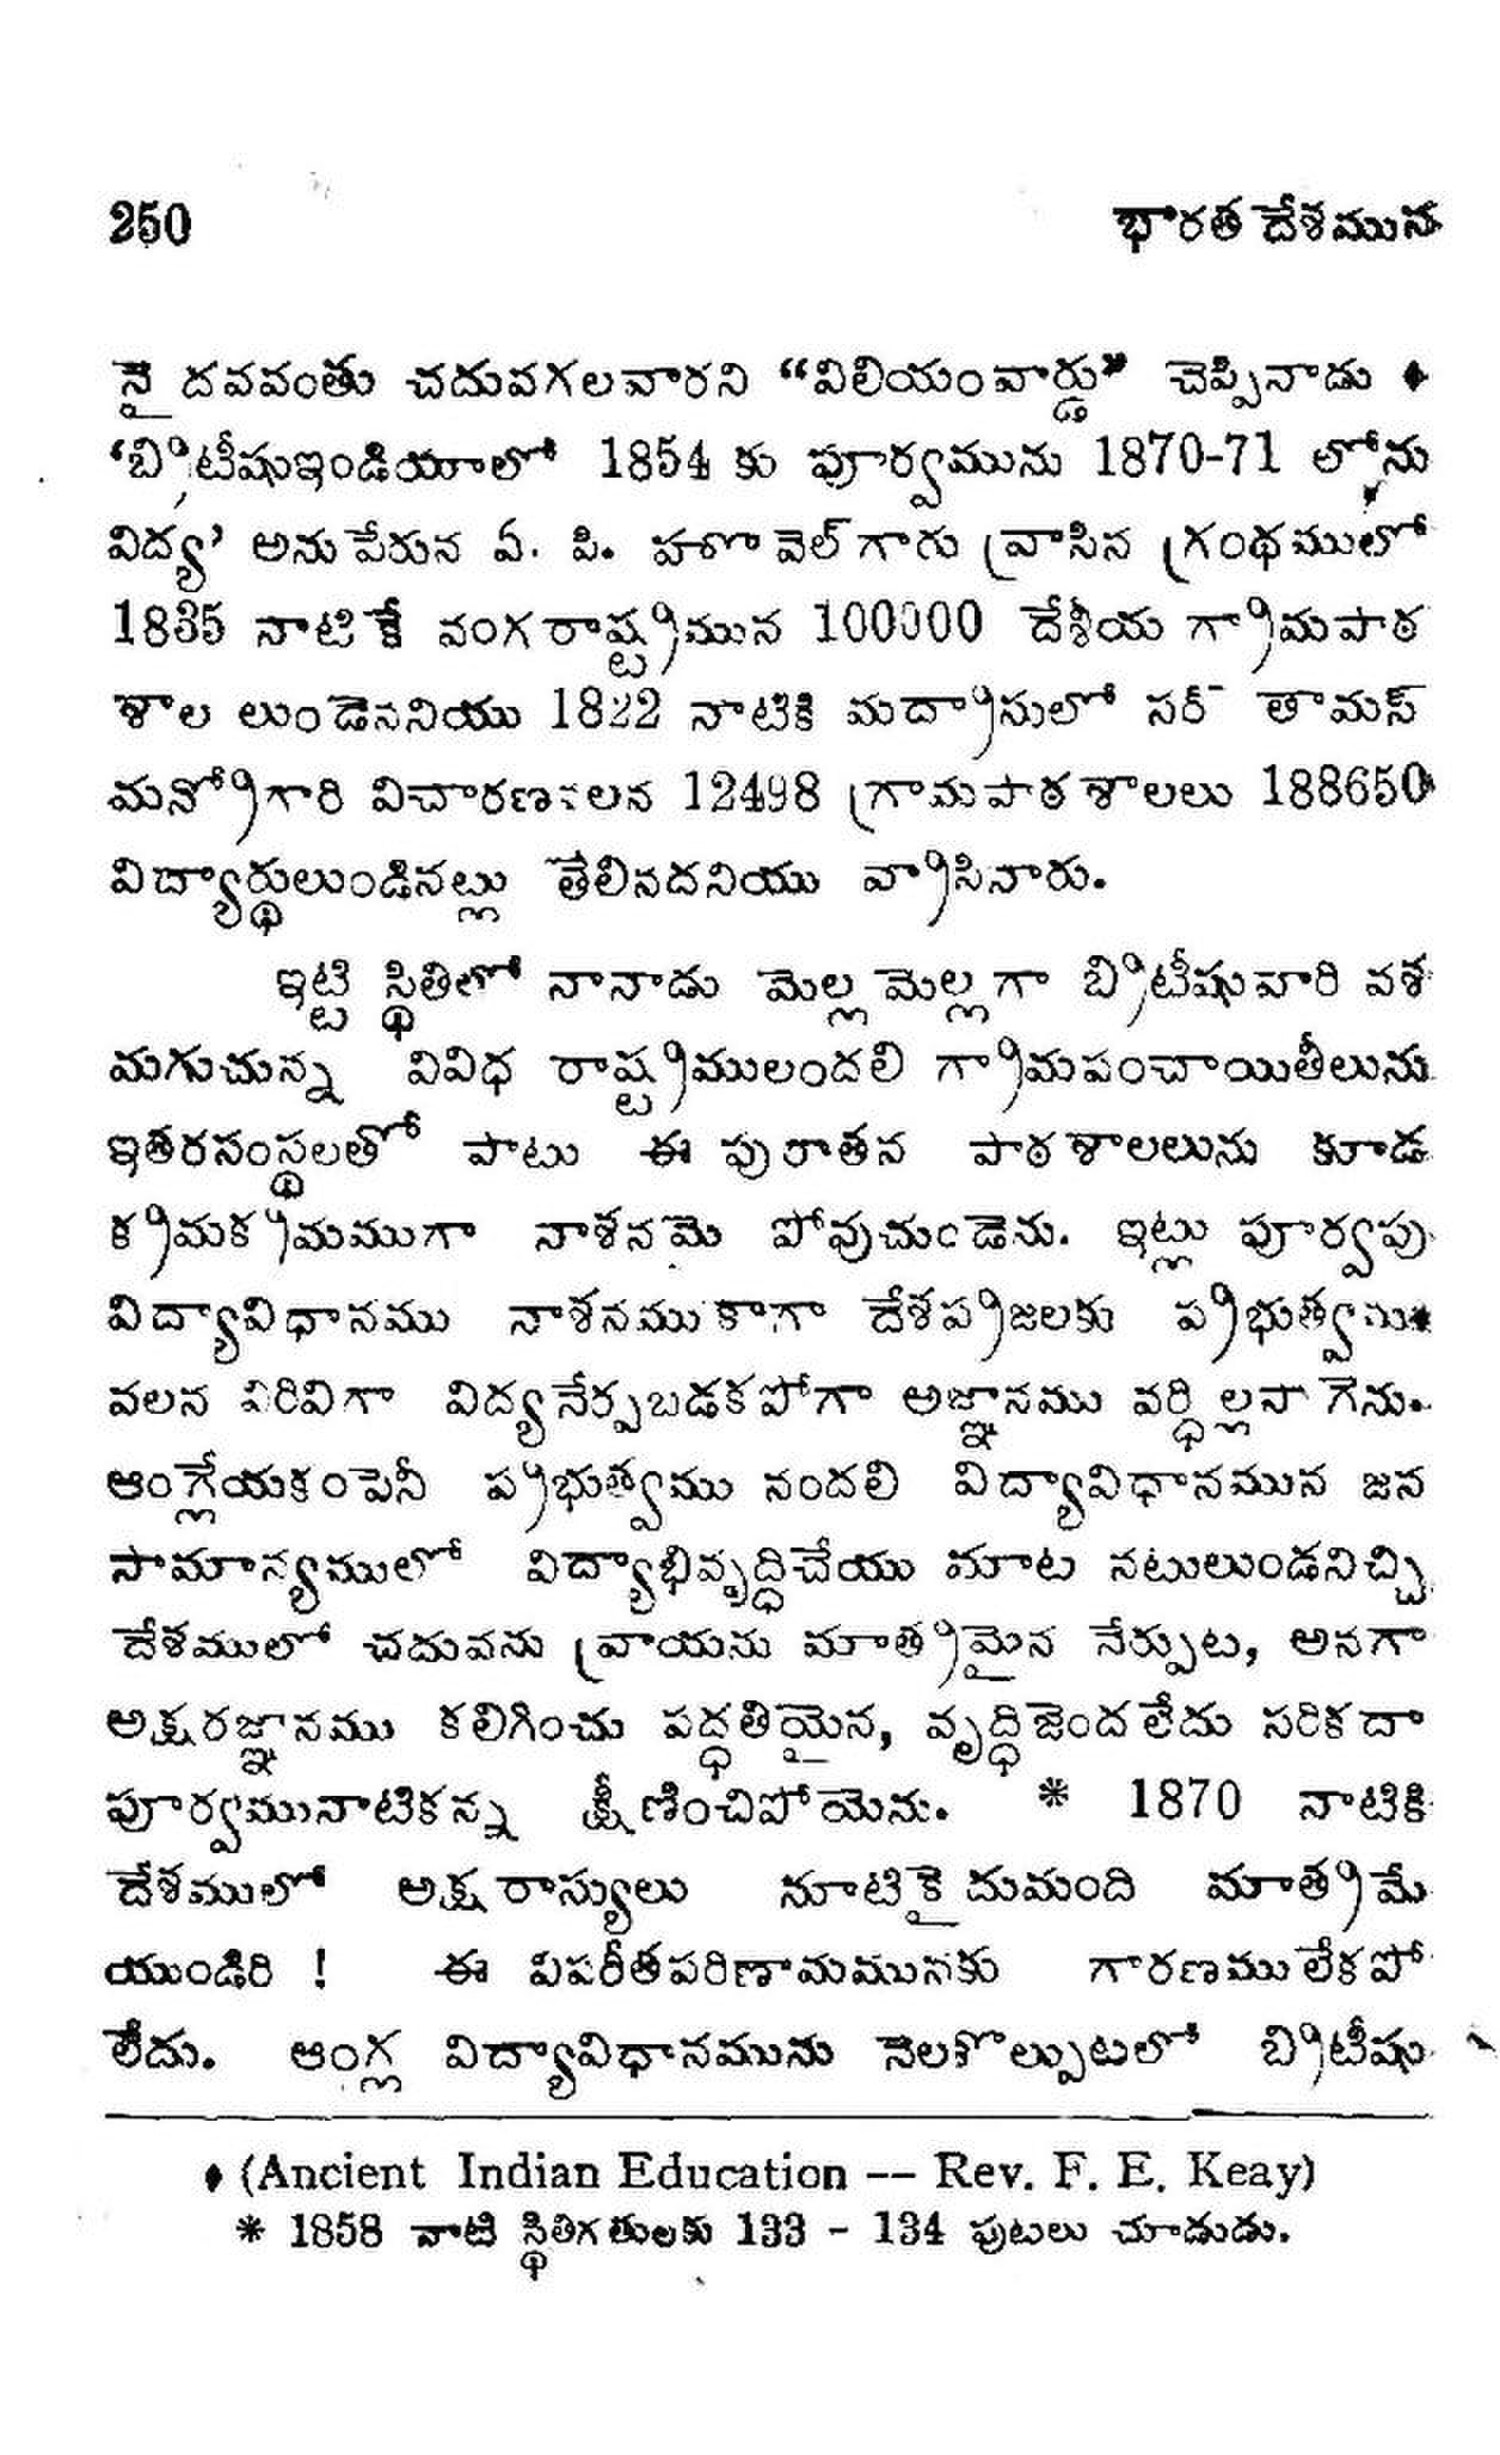నై దవవంతు చదువగలవారని "విలియంవార్డు" చెప్పినాడు ‘బిటీషుఇండియాలో 1854 కు పూర్వమును 1870-71 లోను విద్య' అనుపేరున ఏ. పి. హొవెల్‌గారు వ్రాసిన గ్రంథములో 1835 నాటికే వంగరాష్ట్రమున 100000 దేశీయ గ్రామపాఠశాల లుండెననియు 1822 నాటికి మద్రాసులో సర్ తామస్ మన్రోగారి విచారణవలన 12498 గ్రామపాఠశాలలు 188650 విద్యార్థులుండినట్లు తేలినదనియు వ్రాసినారు. 

ఇట్టి స్థితిలో నానాడు మెల్ల మెల్లగా బ్రిటీషువారి వశమగుచున్న వివిధ రాష్ట్రములందలి గ్రామపంచాయితీలును ఇతరసంస్థలతో పాటు ఈ పురాతన పాఠశాలలును కూడ క్రమక్రమముగా నాశనమై పోవుచుండెను. ఇట్లు పూర్వపు విద్యావిధానము నాశనము కాగా దేశప్రజలకు ప్రభుత్వమువలన విరివిగా విద్యనేర్పబడకపోగా అజ్ఞానము వర్ధిల్లసాగెను. ఆంగ్లేయకంపెనీ ప్రభుత్వము నందలి విద్యావిధానమున జనసామాన్యములో విద్యాభివృద్ధిచేయు మాట నటులుండనిచ్చి దేశములో చదువను వ్రాయను మాత్రమైన నేర్పుట, అనగా అక్షరజ్ఞానము కలిగించు పద్దతియైన, వృద్ధిజెందలేదు సరికదా పూర్వమునాటికన్న క్షీణించిపోయెను. 1870 నాటికి దేశములో అక్షరాస్యులు నూటికైదుమంది మాత్రమే యుండిరి! ఈ విపరీతపరిణామమునకు గారణములేకపోలేదు. ఆంగ్ల విద్యావిధానమును నెలకొల్పుటలో బ్రిటీషు.